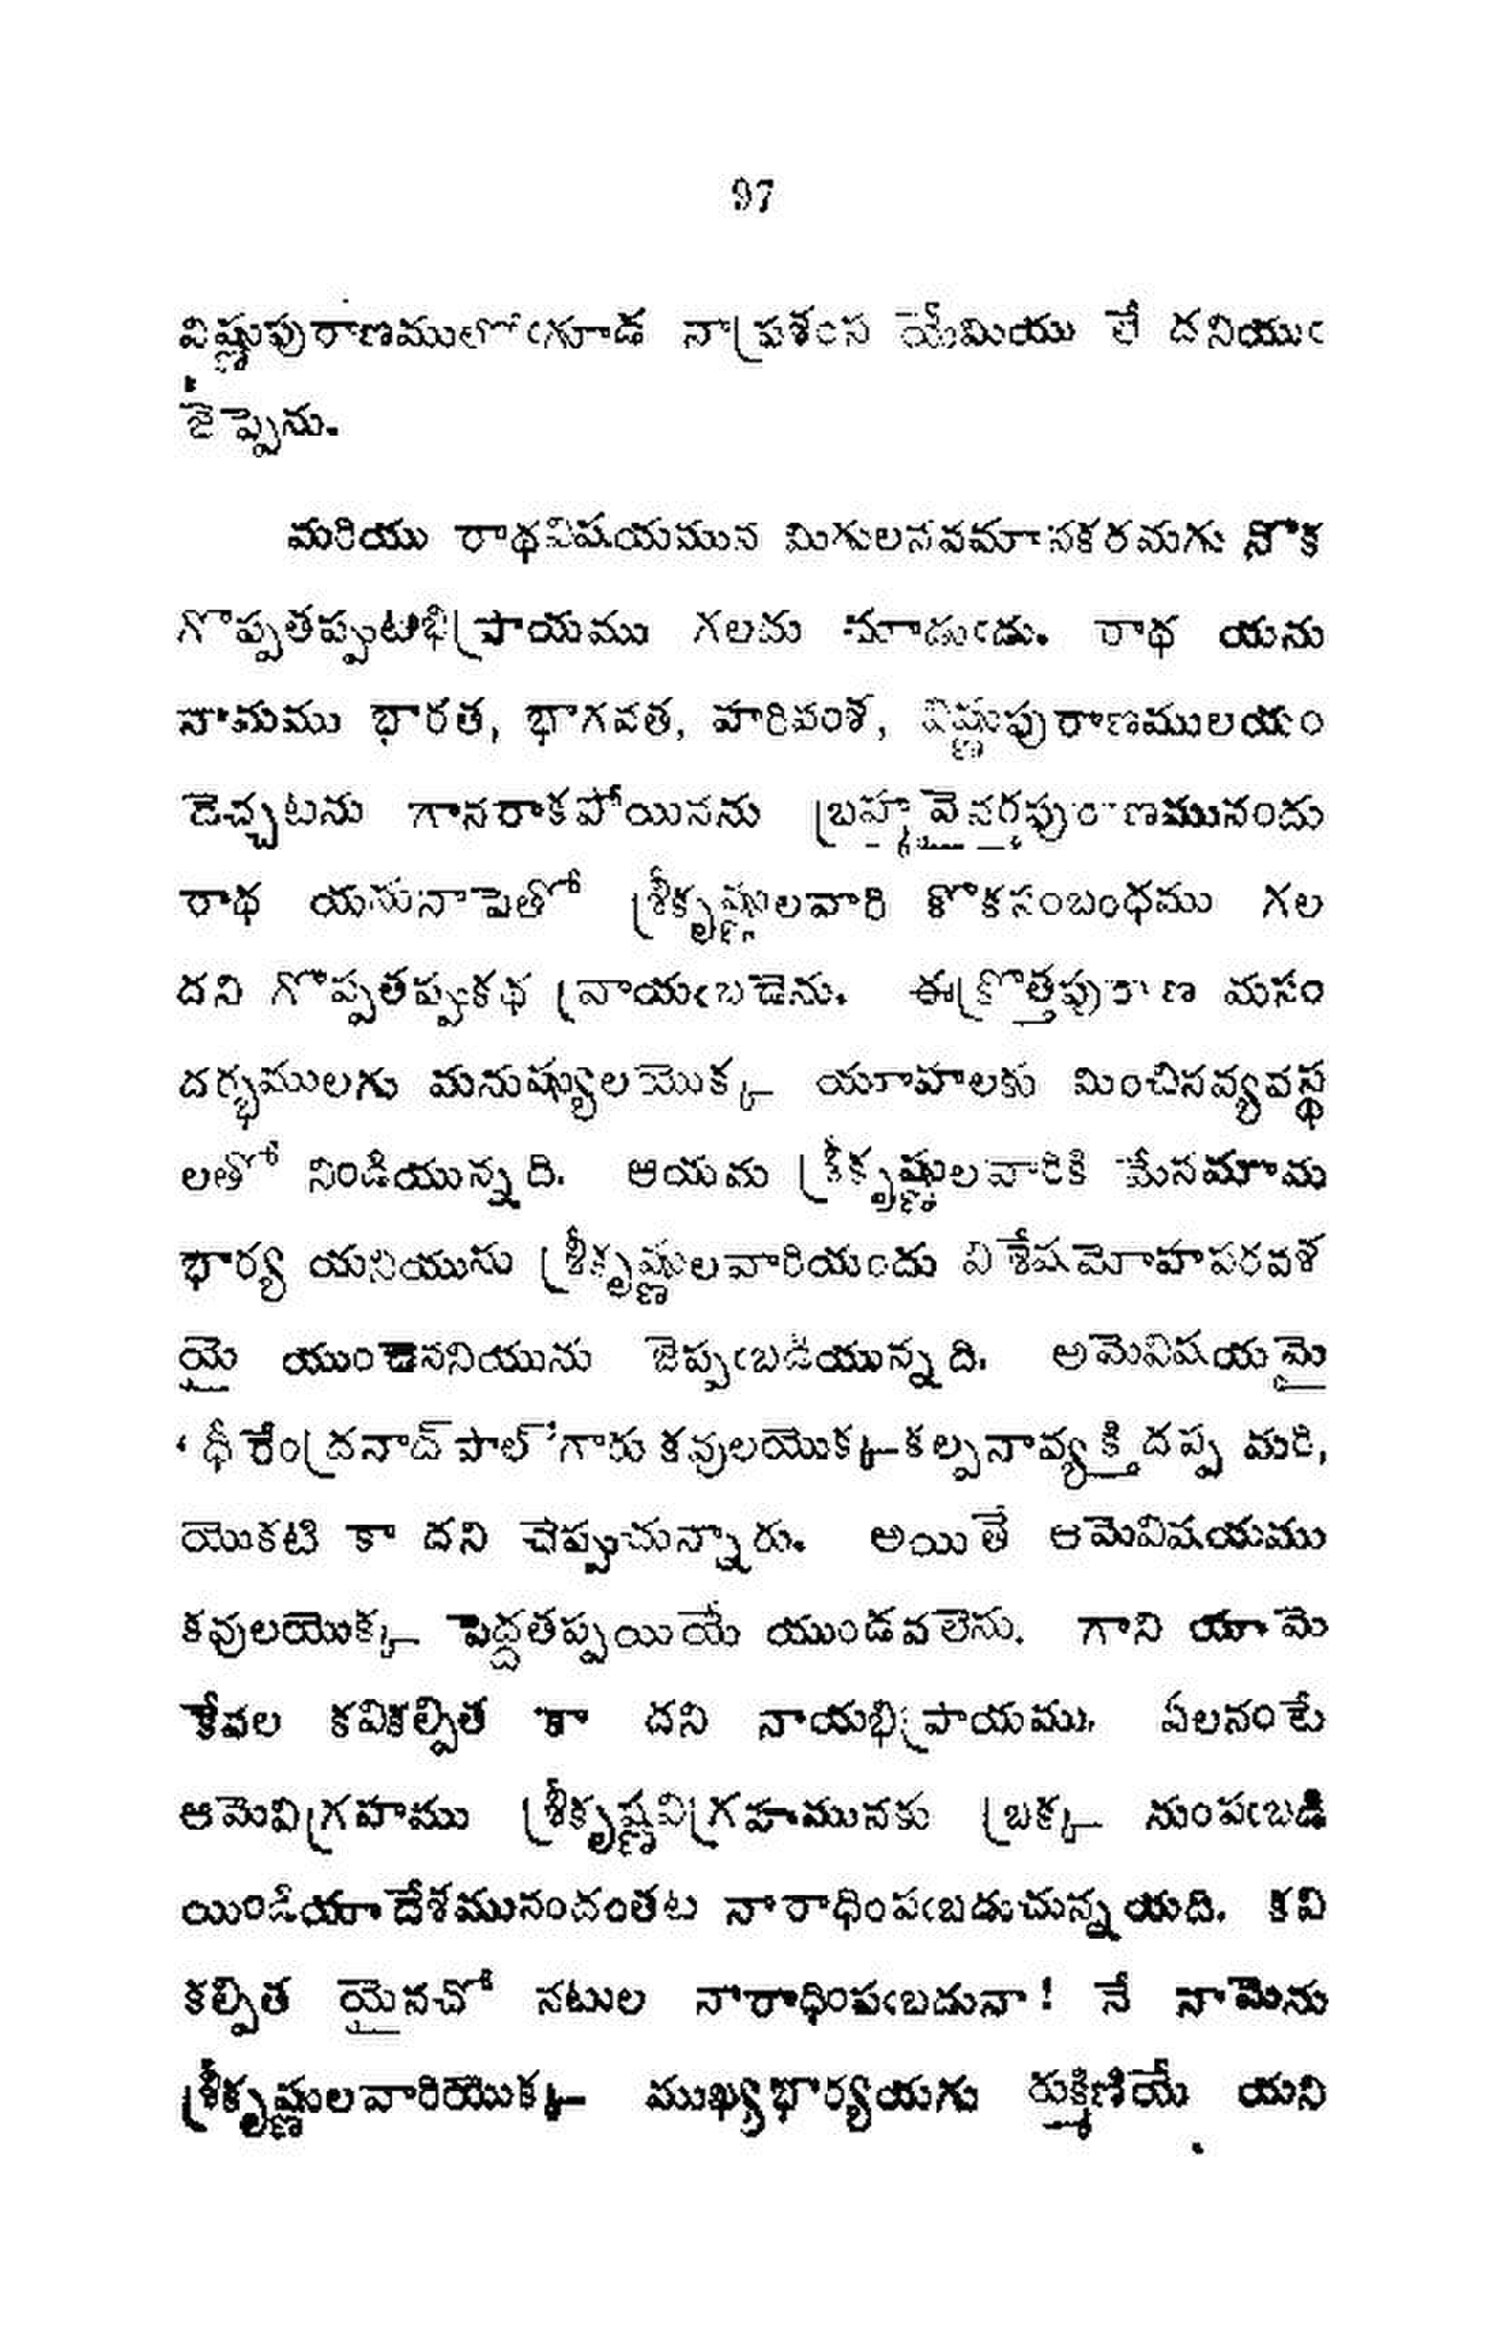విష్ణుపురాణములోఁగూడ నాప్రశంస యేమియు లే దనియుఁ జెప్పెను.

మరియు రాథవిషయమున మిగులనవమానకరమగు నొకగొప్పతప్పుటభిప్రాయము గలదు చూడుఁడు. రాథ యను నామము భారత, భాగవత, హరిపంశ , విష్ణుపురాణములయం డెచ్చటను గానరాకపోయినను బ్రహ్మవైవర్తపురాణమునందు రాథ యనునాపెతో శ్రీకృష్ణులవారి కొకసంబంధము గలదని గొప్పతప్పుకథ వ్రాయఁబడెను. ఈక్రొత్తపురాణ మసందర్భములగు మనుష్యులయొక్క యూహలకు మించినవ్యవస్థలతో నిండియున్నది. ఆయమ శ్రీకృష్ణులవారికి మేనమామభార్య యనియును శ్రీకృష్ణులవారియందు విశేషమోహపరవశయై యుండెననియును జెప్పఁబడియున్నది. అమెవిషయమై 'ధీరేంద్రనాద్ పాల్ ' గారు కవులయొక్క కల్పనావ్య క్తి దప్ప మరి, యొకటి కా దని చెప్పుచున్నారు. అయితే ఆమెవిషయము కవులయొక్క పెద్దతప్పయియే యుండవలెను. గాని యామె
కేపల కవికల్పిత కా దని నాయభిప్రాయము. ఏలనంటే ఆమెవిగ్రహము శ్రీకృష్ణవిగ్రహమునకు బ్రక్క నుంపఁబడి యిండియాదేశమునందంతట నారాధింపఁబడుచున్నయది. కవి కల్పిత యైనచో నటుల నారాధింపఁబడునా ! నే నామెను శ్రీకృష్ణులవారియొక్క ముఖ్యభార్యయగు రుక్మిణీయే యని
.